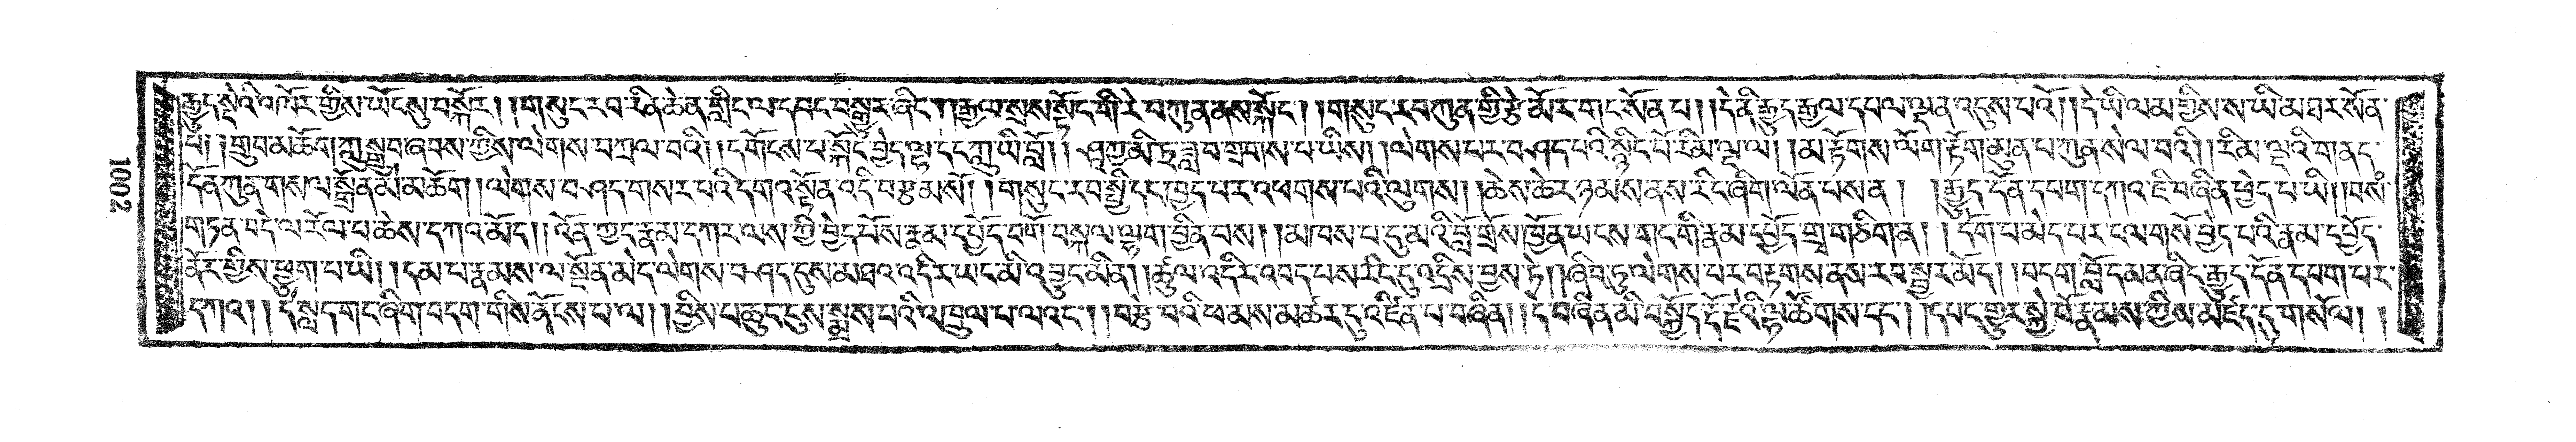རྒྱུད་སྡེའི་འཁོར་གྱིས་ཡོངས་སུ་བསྐོར། །གསུང་རབ་རིན་ཆེན་གླིང་ལ་དབང་བསྒྱུར་ཞིང་། །རྒྱལ་སྲས་སྟོང་གི་རེ་བ་ཀུན་ནས་སྐོང་། །གསུང་རབ་ཀུན་གྱི་རྩེ་མོར་གང་སོན་པ། །དེ་ནི་རྒྱུད་རྒྱལ་དཔལ་ལྡན་འདུས་པའོ། །དེ་ཡི་ལམ་གྱིས་ས་ཡི་མཐར་སོན་
པ། །གྲུབ་མཆོག་ཀླུ་སྒྲུབ་ཞབས་ཀྱིས་ལེགས་བཀྲལ་བའི། །དགོངས་པ་སྐོང་བྱེད་ལྷ་དང་ཀླུ་ཡི་བློ། །ཤཱཀྱ་མི་ཏྲ་ཟླ་བ་གྲགས་པ་ཡིས། །ལེགས་པར་བཤད་པའི་སྙིང་པོ་རིམ་ལྔ་ལ། །མ་རྟོགས་ལོག་རྟོག་མུན་པ་ཀུན་སེལ་བའི། །རིམ་ལྔའི་གནད་
དོན་ཀུན་གསལ་སྒྲོན་མེ་མཆོག །ལེགས་བཤད་གསར་པའི་དགའ་སྟོན་འདི་བརྩམས་སོ། །གསུང་རབ་སྤྱི་དང་ཁྱད་པར་འཕགས་པའི་ལུགས། །ཆེས་ཆེར་ཉམས་ནས་རིང་ཞིག་ལོན་པས་ན། །རྒྱུད་དོན་དཔག་དཀའ་ཇི་བཞིན་ཕྱེད་པ་ཡི། །བསམ་
གཏན་བདེ་ལ་རོལ་པ་ཆེས་དཀའ་མོད། །འོན་ཀྱང་རྣམ་དཀར་ལས་ཀྱི་བྱེད་པོས་རྣམ་དཔྱོད་བགོ་བསྐལ་ལྷག་བྱིན་པས། །མཁས་པ་དུ་མའི་བློ་གྲོས་ཁྱོན་ཡངས་གང་གི་རྣམ་དཔྱོད་གྲྭ་གཅིག་ན། །དོག་པ་མེད་པར་ངལ་གསོ་བྱེད་པའི་རྣམ་དཔྱོད་
ནོར་གྱིས་ཕྱུག་པ་ཡི། །དམ་པ་རྣམས་ལ་སྔོན་མེད་ལེགས་བཤད་དུས་མཐའ་འདིར་ཡང་མི་འབྱུང་མིན། །ཚུལ་འདིར་འབད་པས་རིང་དུ་འདྲིས་བྱས་ཏེ། །ཞིབ་ཏུ་ལེགས་པར་བརྟགས་ནས་རབ་སྦྱར་མོད། །བདག་བློ་དམན་ཞིང་རྒྱུད་དོན་དཔག་པར་
དཀའ། །དེ་སླད་གང་ཞིག་བདག་གིས་ནོངས་པ་ལ། །བྱིས་པ་ཆུང་ངུས་སྨྲས་པའི་འཁྲུལ་པ་ལའང་། །བརྩེ་བའི་ཕ་མས་འཚར་དུ་འཛིན་པ་བཞིན། །དེ་བཞིན་མི་བསྐྱོད་རྡོ་རྗེའི་ལྷ་ཚོགས་དང་། །དབང་གྱུར་སྐྱེ་བོ་རྣམས་ཀྱིས་མཛད་དུ་གསོལ། །